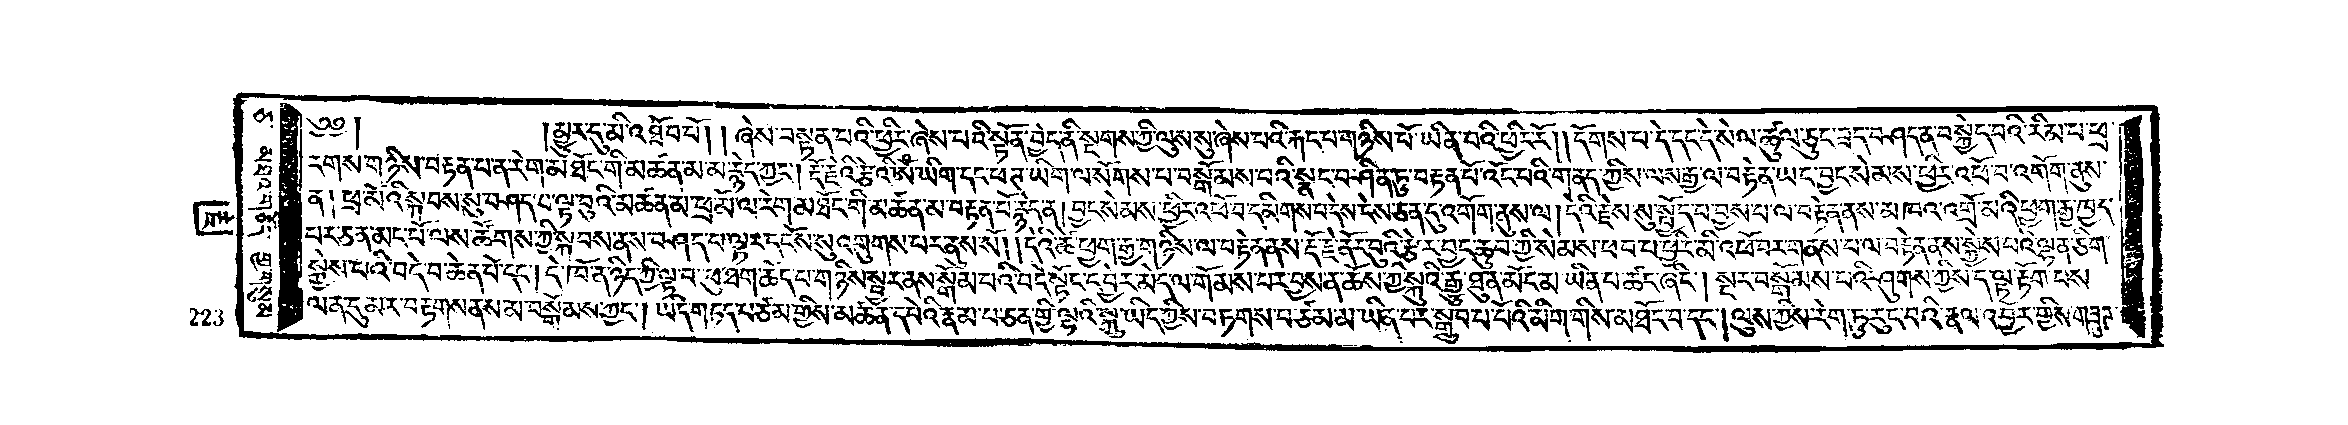༄༅། །མྱུར་དུ་མི་འཐོབ་པོ། །ཞེས་བསྟན་པའི་ཕྱིར་ཞེས་པའི་སྟོན་བྱེད་ནི་སྔགས་ཀྱི་ལུས་སུ་ཞེས་པའི་རྐང་པ་གཉིས་པོ་ཡིན་པའི་ཕྱིར་རོ། །དོགས་པ་དེ་དང་དེ་སེལ་ཚུལ་ཅུང་ཟད་བཤད་ན་བསྐྱེད་པའི་རིམ་པ་ཕྲ་
རགས་གཉིས་བརྟན་པ་ན་རེག་མཐོང་གི་མཚན་མ་མ་རྙེད་ཀྱང་། རྡོ་རྗེའི་རྩེའི་ཨོཾ་ཡིག་དང་ཕཊ་ཡིག་ལ་སོགས་པ་བསྒོམས་པའི་སྣང་བ་ཤིན་ཏུ་བརྟན་པོ་འོང་བའི་གནད་ཀྱིས་ལས་རྒྱ་ལ་བརྟེན་ཡང་བྱང་སེམས་ཕྱིར་འཕོ་བ་འགོག་ནུས་
ན། ཕྲ་མོའི་སྐབས་སུ་བཤད་པ་ལྟ་བུའི་མཚན་མ་ཕྲ་མོ་ལ་རེག་མཐོང་གི་མཚན་མ་བརྟན་པོ་རྙེད་ན། བྱང་སེམས་ཕྱིར་འཕོ་བ་དམིགས་པ་དེས་ངེས་ཅན་དུ་འགོག་ནུས་ལ། དེའི་རྗེས་སུ་སྤྱོད་པ་བྱས་པ་ལ་བརྟེན་ནས་མཁའ་འགྲོ་མའི་ཕྱག་རྒྱ་ཁྱད་
པར་ཅན་མང་པོ་ལས་ཚོགས་ཀྱི་སྐབས་ནས་བཤད་པ་ལྟར་དངོས་སུ་འགུགས་པར་ནུས་སོ། །དེའི་ཚེ་ཕྱག་རྒྱ་གཉིས་ལ་བརྟེན་ནས་རྡོ་རྗེ་ནོར་བུའི་རྩེར་བྱང་ཆུབ་ཀྱི་སེམས་ཕབ་པ་ཕྱིར་མི་འཕོ་བར་གནས་པ་ལ་བརྟེན་ནས་སྐྱེས་པའི་ལྷན་ཅིག་
སྐྱེས་པའི་བདེ་བ་ཆེན་པོ་དང་། དེ་ཁོ་ན་ཉིད་ཀྱི་ལྟ་བ་ཕུ་ཐག་ཆོད་པ་གཉིས་སྦྱར་ནས་སྒོམ་པའི་བདེ་སྟོང་དབྱེར་མེད་ལ་གོམས་པར་བྱས་ན་ཆོས་ཀྱི་སྐུའི་རྒྱུ་ཐུན་མོང་མ་ཡིན་པ་ཚང་ཞིང་། སྔར་བསྒོམས་པའི་ཤུགས་ཀྱིས་ད་ལྟ་རྟག་པས་
ལན་དུ་མར་བརྟགས་ནས་མ་བསྒོམས་ཀྱང་། ཡིད་གཏད་བ་ཙམ་གྱིས་མཚན་དཔེའི་རྣམ་པ་ཅན་གྱི་ལྷའི་སྐུ་ཡིད་ཀྱིས་བཏགས་པ་ཙམ་མ་ཡིན་པར་སྒྲུབ་པ་པོའི་མིག་གིས་མཐོང་བ་དང་། ལུས་ཀྱིས་རེག་ཏུ་རུང་བའི་རྣལ་འབྱོར་གྱིས་གཟུགས་